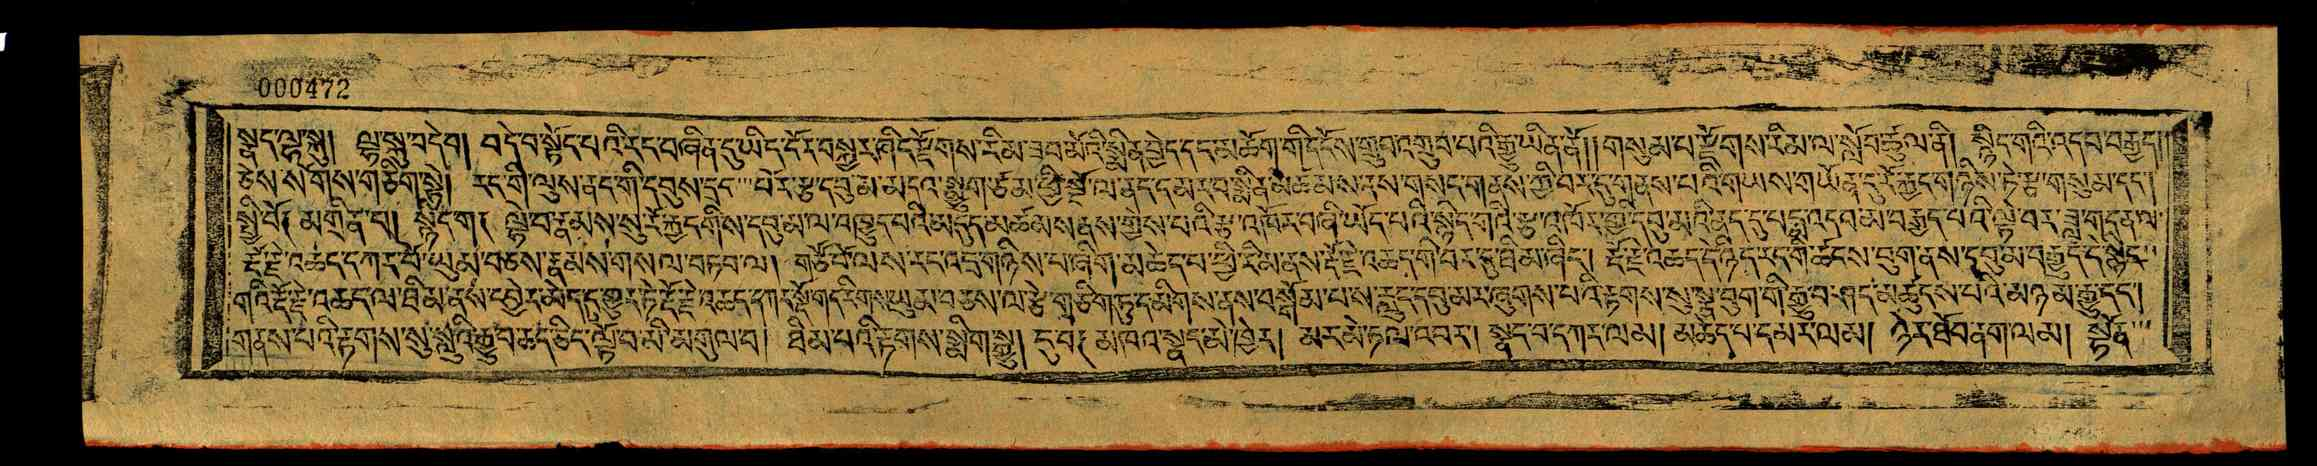སྣང་ལྷ་སྐུ། ལྷ་སྐུ་བདེ་བ། བདེ་བ་སྟོང་པའི་རང་བཞིན་དུ་ཡིད་ངོར་བསྒྱུར་ཞིང་རྫོགས་རིམ་ཟབ་མོའི་སྨིན་བྱེད་དང་མཆོག་གི་དངོས་གྲུབ་འགྲུབ་པའི་རྒྱུ་ཡིན་ནོ། །གསུམ་པ་རྫོགས་རིམ་ལ་སློབ་ཚུལ་ནི། སྙིང་གའི་འདབ་བརྒྱད།
ཅེས་སོགས་གཅིག་སྟེ། རང་གི་ལུས་ནང་གི་དབུས་དྲང་པོར་རྩ་དབུ་མ་མདའ་སྨྱུག་ཙམ་ཕྱི་སྔོ་ལ་ནང་དམར་བ་སྨིན་མཚམས་ནས་གསང་གནས་ཀྱི་བར་དུ་གནས་པའི་གཡས་གཡོན་དུ་རོ་རྐྱང་གཉིས་ཏེ་རྩ་གསུམ་དང་།
སྤྱི་བོ༑ མགྲིན་པ། སྙིང་ག༑ ལྟེ་བ་རྣམས་སུ་རོ་རྐྱང་གིས་དབུ་མ་ལ་འཁྱུད་པའི་མདུད་མཚམས་ནས་གྱེས་པའི་རྩ་འཁོར་བཞི་ཡོད་པའི་སྙིང་གའི་རྩ་འཁོར་གྱི་དབུ་མའི་ནང་དུ་པདམ་འདབ་མ་བརྒྱད་པའི་ལྟེ་བར་ཟླ་གདན་ལ་
རྡོ་རྗེ་འཆང་དཀར་པོ་ཡུམ་བཅས་རྣམས་གསལ་བཏབ་ལ། གཙོ་བོ་ལས་རང་འདྲ་གཉིས་པ་ཞིག་མཆེད་པ་ཕྱི་རིམ་ནས་རྡོ་རྗེ་འཆང་གི་བར་དུ་ཐིམ་ཞིང་། རྡོ་རྗེ་འཆང་དེ་ཉིད་རང་གི་ཚངས་བུག་ནས་དབུ་མ་བརྒྱུད་དེ་སྙིང་
གའི་རྡོ་རྗེ་འཆང་ལ་ཐིམ་ནས་དབྱེར་མེད་དུ་གྱུར་ཏེ་རྡོ་རྗེ་འཆང་དཀར་སྔོ་གང་རིགས་ཡུམ་བཅས་ལ་རྩེ་གཅིག་ཏུ་དམིགས་ནས་བསྒོམ་པས་རླུང་དབུ་མར་ཞུགས་པའི་རྟགས་སུ་སྣ་བུག་གི་རྒྱུ་ཤད་མཚུངས་པའི་མཉམ་རྒྱུ་དང་།
གནས་པའི་རྟགས་སུ་སྣའི་རྒྱུ་བ་ཆད་ཅིང་ལྟོ་བ་མི་མགུལ་བ། ཐིམ་པའི་རྟགས་སྨིག་སྒྱུ། དུ་བ༑ མཁའ་སྣང་མེ་ཁྱེར། མར་མེ་ཏལ་འབར། སྣང་བ་དཀར་ལམ། མཆེད་པ་དམར་ལམ། ཉེར་ཐོབ་ནག་ལམ། སྟོན་